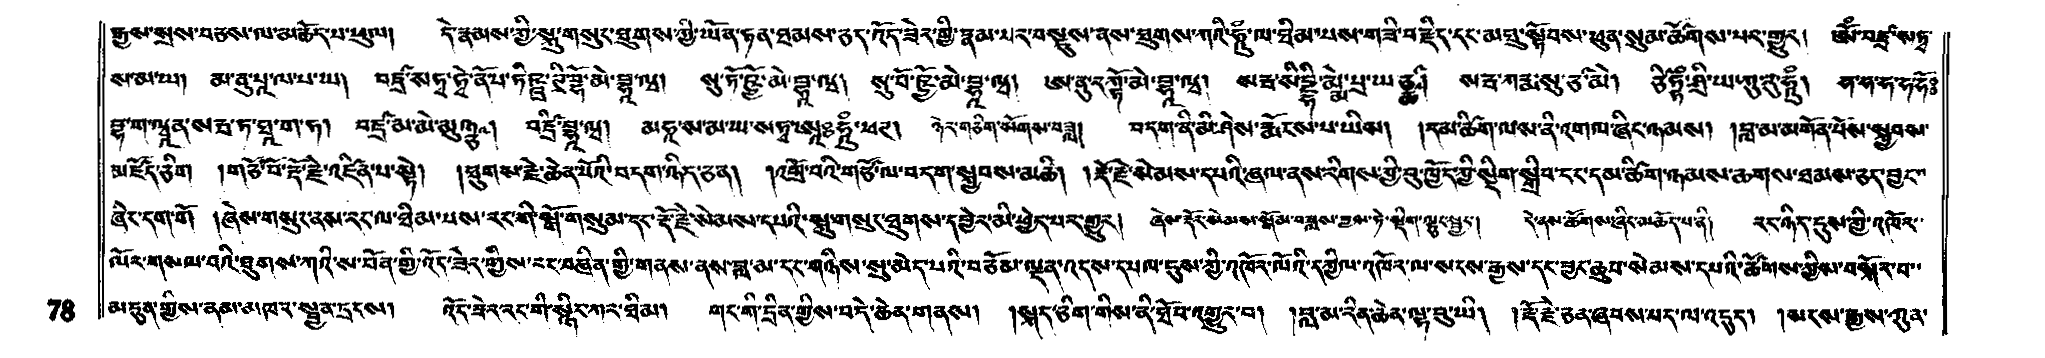རྒྱས་སྲས་བཅས་ལ་མཆོད་པ་ཕུལ། དེ་རྣམས་ཀྱི་སྐུ་གསུང་ཐུགས་ཀྱི་ཡོན་ཏན་ཐམས་ཅད་འོད་ཟེར་གྱི་རྣམ་པར་བསྡུས་ནས་ཐུགས་ཀའི་ཧཱུཾ་ལ་ཐིམ་པས་གཟི་བརྗིད་དང་མཐུ་སྟོབས་ཕུན་སུམ་ཚོགས་པར་གྱུར། ཨོཾ་བཛྲ་སཏྭ་
ས་མ་ཡ། མ་ནུ་པཱ་ལ་པ་ཡ། བཛྲ་སཏྭ་ཏྭེ་ནོ་པ་ཏིཥཊཿཨ་ཊྲི་བྷོ་མེ་བྷཱ་ཝ། སུ་ཏོ་ཥྱོ་མེ་བྷཱ་ཝ། སུ་བོ་ཥྱོ་མེ་བྷཱ་ཝ། ཨ་ནུ་རཀྟོ་མེ་བྷཱ་ཝ། སརྦ་སིདྡྷི་མྨེ་པྲ་ཡ་ཙྪ། སརྦ་ཀརྨ་སུ་ཙ་མེ། ཙིཏྟཾ་ཤྲི་ཡ་ཀུ་རུ་ཧཱུཾ། ཧ་ཧ་ཧ་ཧ་ཧོཿ
བྷ་ག་ཝཱ་ན་སརྦ་ཏ་ཐཱ་ག་ཏ། བཛྲ་མ་མེ་མུཉྩ། བཛྲི་བྷཱ་ཝ། མཧཱ་ས་མ་ཡ་སཏྭ་ཨཱཿ ཧཱུཾ་ཕཊ། ཉེར་གཅིག་སོགས་བཟླ།  བདག་ནི་མི་ཤེས་རྨོངས་པ་ཡིས། །དམ་ཚིག་ལས་ནི་འགལ་ཞིང་ཉམས། །བླ་མ་མགོན་པོས་སྐྱབས་
མཛོད་ཅིག །གཙོ་བོ་རྡོ་རྗེ་འཛིན་པ་སྟེ། །ཐུགས་རྗེ་ཆེན་པོའི་བདག་ཉིད་ཅན། །འགྲོ་བའི་གཙོ་ལ་བདག་སྐྱབས་མཆི། །རྡོ་རྗེ་སེམས་དཔའི་ཞལ་ནས་རིགས་ཀྱི་བུ་ཁྱོད་ཀྱི་སྡིག་སྒྲིབ་དང་དམ་ཚིག་ཉམས་ཆགས་ཐམས་ཅད་བྱང་
ཞིང་དག་གོ །ཞེས་གསུང་ནས་རང་ལ་ཐིམ་པས་རང་གི་སྒོ་གསུམ་དང་རྡོ་རྗེ་སེམས་དཔའི་སྐུ་གསུང་ཐུགས་དབྱེར་མི་ཕྱེད་པར་གྱུར། ཞེས་རྡོར་སེམས་སྒོམ་བཟླས་བྱས་ཏེ་སྡིག་ལྟུང་སྦྱང་། དེ་ནས་ཚོགས་ཞིང་མཆོད་པ་ནི།  རང་ཉིད་དུས་ཀྱི་འཁོར་
ལོར་གསལ་བའི་ཐུགས་ཀའི་ས་བོན་གྱི་འོད་ཟེར་གྱིས་རང་བཞིན་གྱི་གནས་ནས་བླ་མ་དང་གཉིས་སུ་མེད་པའི་བཅོམ་ལྡན་འདས་དཔལ་དུས་ཀྱི་འཁོར་ལོའི་དཀྱིལ་འཁོར་ལ་སངས་རྒྱས་དང་བྱང་ཆུབ་སེམས་དཔའི་ཚོགས་ཀྱིས་བསྐོར་བ་
མདུན་གྱིས་ནམ་མཁར་སྦྱན་དྲངས། འོད་ཟེར་རང་གི་སྙིང་ཀར་ཐིམ། གང་གི་དྲིན་གྱིས་བདེ་ཆེན་གནས། །སྐད་ཅིག་གིས་ནི་ཐོབ་འགྱུར་བ། །བླ་མ་རིན་ཆེན་ལྟ་བུ་ཡི། །རྡོ་རྗེ་ཅན་ཞབས་པད་ལ་འདུད། །སངས་རྒྱས་ཀུན་